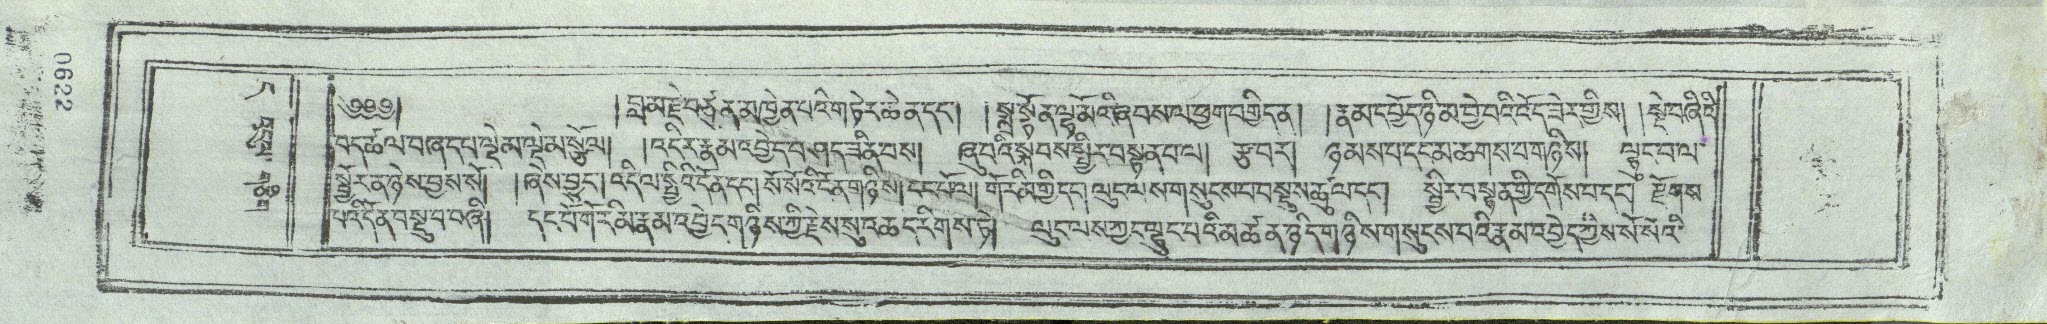༄༅༅། །བླ་མ་རྗེ་བཙུན་མཁྱེན་པའི་གཏེར་ཆེན་དང་། །སྨྲ་སྟོན་ལྷ་མོའི་ཞབས་ལ་ཕྱག་བགྱིད་ན། །རྣམ་དཔྱོད་ཉི་མ་བྱེ་བའི་འོད་ཟེར་གྱིས། །སྡེ་བཞིའི་
པད་ཚལ་བཞད་པ་ལྡེམ་ལྡེམ་སྩོལ། །འདིར་རྣམ་འབྱེད་བཤད་ཟིན་པས། ཞུ་བའི་སྐབས་སྤྱིར་བསྟན་པ་ལ། རྩ་བར། ཉམས་པ་དང་མ་ཆགས་པ་གཉིས། ལྟུང་བ་ལ་
སྦྱོར་ན་ཉེས་བྱས་སོ། །ཞེས་བྱུང་། འདི་ལ་སྤྱིའི་དོན་དང་། སོ་སོའི་དོན་གཉིས། དང་པོ་ལ། གོ་རིམ་གྱི་དང་། ལུང་ལས་གསུངས་པ་བསྡུས་ཚུལ་དང་། སྤྱིར་བསྟན་གྱི་དགོས་པ་དང་། རྫོགས་
པའི་དོན་བསྡུ་བ་བཞི། དང་པོ་གོ་རིམ་རྣམ་འབྱེད་གཉིས་ཀྱི་རྗེས་སུ་འཆད་རིགས་ཏེ། ལུང་ལས་ཀྱང་ལྟུང་པའི་མཚན་ཉིད་གཉིས་གསུངས་པའི་རྣམ་འབྱེད་ཀྱིས་སོ་སོའི་